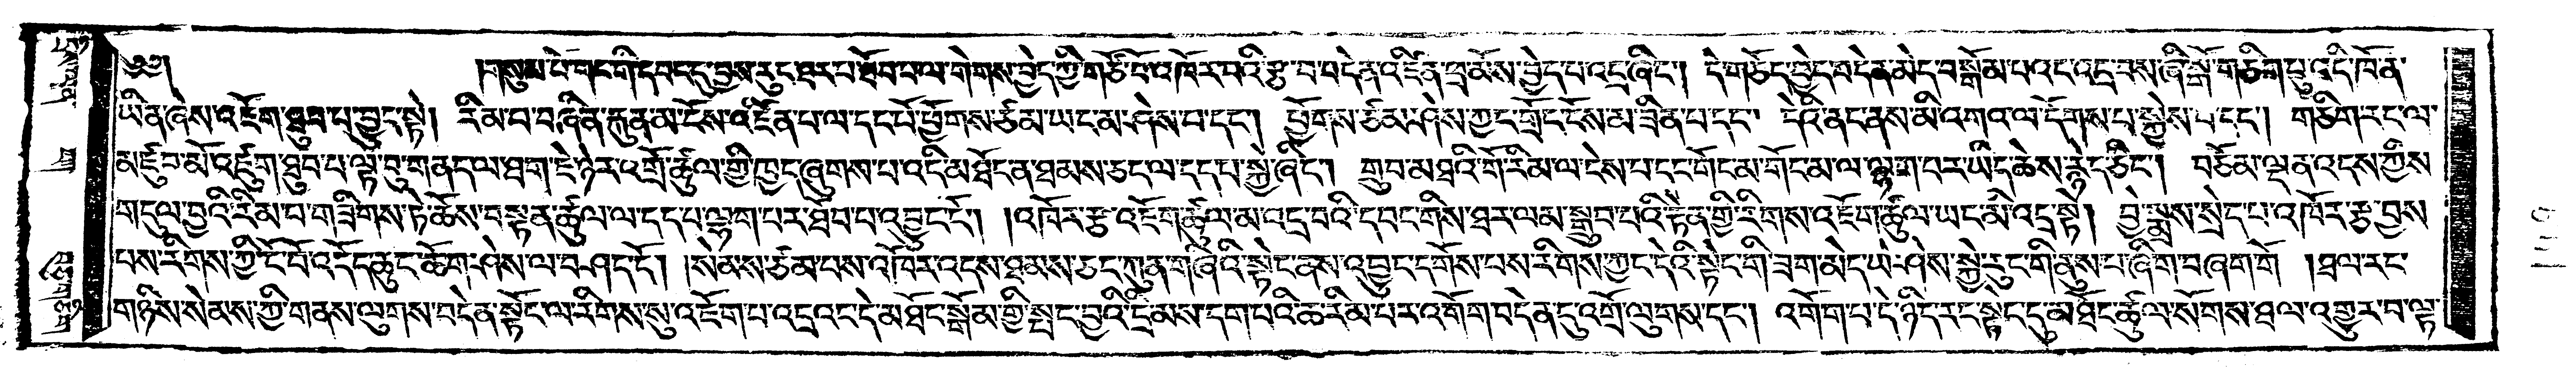༄༅། །གསུམ་པོ་གང་གི་དབང་དུ་བྱས་རུང་ཐར་བ་ཐོབ་བ་ལ་གེགས་བྱེད་ཀྱི་གཙོ་བོ་འཁོར་བའི་རྩ་བ་བདེན་འཛིན་ཕྲ་མོས་བྱེད་པ་འདྲ་ཞིང་། དེ་གཅོད་བྱེད་བདེན་མེད་བསྒོམ་པའང་འདྲ་བས་ཞི་སྒོ་གཅིག་བུ་འདི་ཁོ་ན་
ཡིན་ཞེས་འཇོག་ཐུབ་བ་བྱུང་སྟེ། རིམ་པ་བཞིན་རྐུན་མ་ངོས་འཛིན་པ་ལ་དང་པོ་ཕྱོགས་ཙམ་ཡང་མ་ཤེས་པ་དང་། ཕྱོགས་ཙམ་ཤེས་ཀྱང་གྲོང་ངོས་མ་ཟིན་པ་དང་། དེའི་ནང་ནས་མི་འགའ་ལ་དོགས་པ་སྐྱེས་པ་དང་། གཅིག་རང་ལ་
མཛུབ་མོ་འཛུག་ཐུབ་བ་ལྟ་བུ་གནད་ལ་ཐག་ཇེ་ཉེར་འགྲོ་ཚུལ་གྱི་ཁྱད་ཞུགས་པ་འདི་མཐོང་ན་ཐམས་ཅད་ལ་དད་པ་སྐྱེ་ཞིང་། གྲུབ་མཐའི་གོ་རིམ་ལ་ངེས་བ་དང་གོང་མ་གོང་མ་ལ་ལྷག་པར་ཡིད་ཆེས་རྙེད་ཅིང་། བཅོམ་ལྡན་འདས་ཀྱིས་
གདུལ་བྱའི་རིམ་པ་གཟིགས་ཏེ་ཆོས་བསྟན་ཚུལ་ལ་དད་པ་ལྷག་པར་ཐོབ་པ་འབྱུང་ངོ། །འཁོར་རྩ་འཇོག་ཚུལ་མ་འདྲ་བའི་དབང་གིས་ཐར་ལམ་སྒྲུབ་པའི་རྟེན་གྱི་རིགས་འཇོག་ཚུལ་ཡང་མི་འདྲ་སྟེ། བྱེ་སྨྲས་སྲེད་པ་འཁོར་རྩ་བྱས་
པས་རིགས་ཀྱི་ངོ་བོ་འདོད་ཆུང་ཆོག་ཤེས་ལ་བཤད་དོ། །སེམས་ཙམ་པས་འཁོར་འདས་ཐམས་ཅད་ཀུན་གཞིའི་སྟེང་ནས་འབྱུང་དགོས་པས་རིགས་ཀྱང་དེའི་སྟེང་གི་ཟག་མེད་ཡེ་ཤེས་སྐྱེ་རུང་གི་ནུས་པ་ཞིག་བཞག་གོ །ཐལ་རང་
གཉིས་སེམས་ཀྱི་གནས་ལུགས་བདེན་སྟོང་ལ་རིགས་སུ་འཇོག་པ་འདྲའང་དེ་མཐོང་སྒོམ་གྱི་སྤང་བྱའི་དྲི་མས་དག་པའི་ཆ་རིམ་པར་འགོག་བདེན་དུ་འགྲོ་ལུགས་དང་། འགོག་པ་དེ་ཉིད་རང་སྟེང་དུ་མཐོང་ཚུལ་སོགས་ཐལ་འགྱུར་བ་ལྟ་